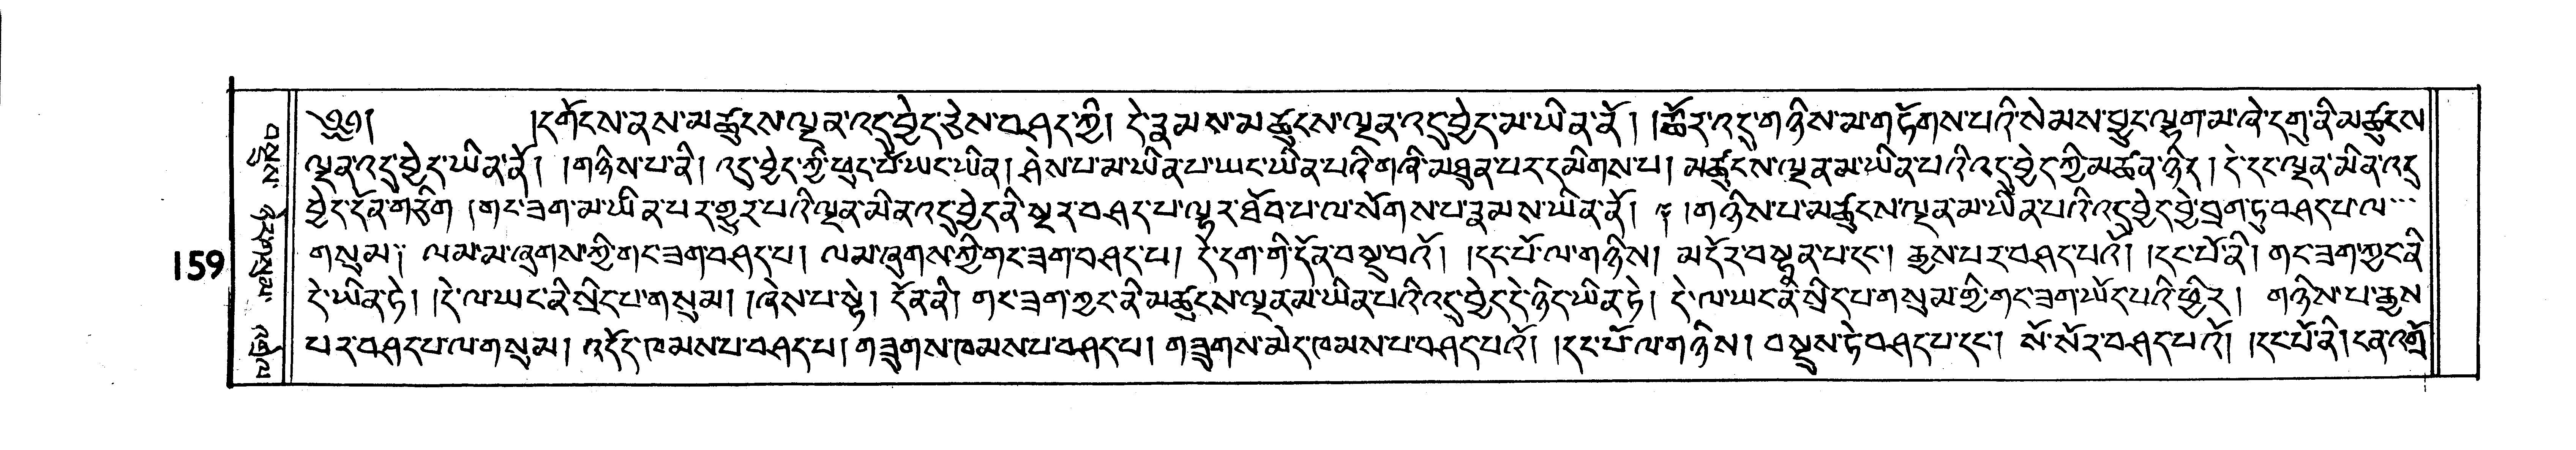༄༅། །དགོངས་ནས་མཚུངས་ལྡན་འདུ་བྱེད་ཅེས་བཤད་ཀྱི། དེ་རྣམས་མཚུངས་ལྡན་འདུ་བྱེད་མ་ཡིན་ནོ། །ཚོར་འདུ་གཉིས་མ་གཏོགས་པའི་སེམས་བྱུང་ལྷག་མ་ཞེ་དགུ་ནི་མཚུངས་
ལྡན་འདུ་བྱེད་ཡིན་ནོ། །གཉིས་པ་ནི། འདུ་བྱེད་ཕུང་པོ་ཡང་ཡིན། ཤེས་པ་མ་ཡིན་པ་ཡང་ཡིན་པའི་གཞི་མཐུན་པར་དམིགས་པ། མཚུངས་ལྡན་མ་ཡིན་པའི་འདུ་བྱེད་ཀྱི་མཚན་ཉིད། དེ་དང་ལྡན་མིན་འདྲ་
བྱེད་དོན་གཅིག །གང་ཟག་མ་ཡིན་པར་གྱུར་པའི་ལྡན་མིན་འདུ་བྱེད་ནི་སྔར་བཤད་པ་ལྷར་ཐོབ་པ་ལ་སོགས་པ་རྣམས་ཡིན་ནོ། ༈ །གཉིས་པ་མཚུངས་ལྡན་མ་ཡིན་པའི་འདུ་བྱེད་བྱེ་བྲག་ཏུ་བཤད་པ་ལ་
གསུམ༑ ལམ་མ་ཞུགས་ཀྱི་གང་ཟག་བཤད་པ། ལམ་ཞུགས་ཀྱི་གང་ཟག་བཤད་པ། དེ་དག་གི་དོན་བསྡུ་བའོ། །དང་པོ་ལ་གཉིས། མདོར་བསྟན་པ་དང་། རྒྱས་པར་བཤད་པའོ། །དང་པོ་ནི། གང་ཟག་ཀྱང་ནི་
དེ་ཡིན་ཏེ། །དེ་ལ་ཡང་ནི་སྲིད་པ་གསུམ། །ཞེས་པ་སྟེ། དོན་ནི། གང་ཟག་ཀྱང་ནི་མཚུངས་ལྡན་མ་ཡིན་པའི་འདུ་བྱེད་དེ་ཉིད་ཡིན་ཏེ། དེ་ལ་ཡང་ནི་སྲིད་པ་གསུམ་གྱི་གང་ཟག་ཡོད་པའི་ཕྱིར། གཉིས་པ་རྒྱས་
པར་བཤད་པ་ལ་གསུམ། འདོད་ཁམས་པ་བཤད་པ། གཟུགས་ཁམས་པ་བཤད་པ། གཟུགས་མེད་ཁམས་པ་བཤད་པའོ། །དང་པོ་ལ་གཉིས། བསྡུས་ཏེ་བཤད་པ་དང་། སོ་སོར་བཤད་པའོ། །དང་པོ་ནི། ངན་འགྲོ་